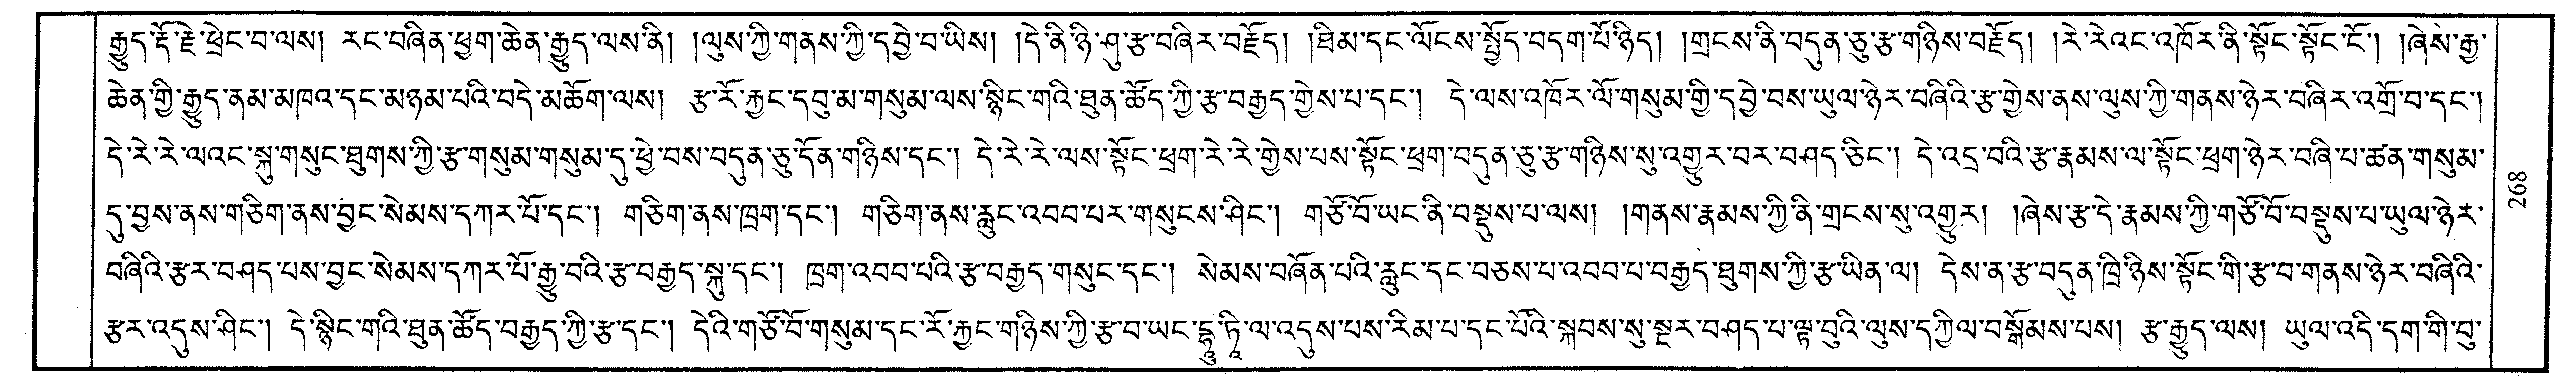རྒྱུད་རྡོ་རྗེ་ཕྲེང་བ་ལས། རང་བཞིན་ཕྱག་ཆེན་རྒྱུད་ལས་ནི། །ལུས་ཀྱི་གནས་ཀྱི་དབྱེ་བ་ཡིས། །དེ་ནི་ཉི་ཤུ་རྩ་བཞིར་བརྗོད། །ཐིམ་དང་ལོངས་སྤྱོད་བདག་པོ་ཉིད། །གྲངས་ནི་བདུན་ཅུ་རྩ་གཉིས་བརྗོད། །རེ་རེའང་འཁོར་ནི་སྟོང་སྟོང་ངོ། །ཞེས་རྒྱ་
ཆེན་གྱི་རྒྱུད་ནམ་མཁའ་དང་མཉམ་པའི་བདེ་མཆོག་ལས། རྩ་རོ་རྐྱང་དབུ་མ་གསུམ་ལས་སྙིང་གའི་ཐུན་ཚོད་ཀྱི་རྩ་བརྒྱད་གྱེས་པ་དང་། དེ་ལས་འཁོར་ལོ་གསུམ་གྱི་དབྱེ་བས་ཡུལ་ཉེར་བཞིའི་རྩ་གྱེས་ནས་ལུས་ཀྱི་གནས་ཉེར་བཞིར་འགྲོ་བ་དང་།
དེ་རེ་རེ་ལའང་སྐུ་གསུང་ཐུགས་ཀྱི་རྩ་གསུམ་གསུམ་དུ་ཕྱེ་བས་བདུན་ཅུ་དོན་གཉིས་དང་། དེ་རེ་རེ་ལས་སྟོང་ཕྲག་རེ་རེ་གྱེས་པས་སྟོང་ཕྲག་བདུན་ཅུ་རྩ་གཉིས་སུ་འགྱུར་བར་བཤད་ཅིང་། དེ་འདྲ་བའི་རྩ་རྣམས་ལ་སྟོང་ཕྲག་ཉེར་བཞི་པ་ཚན་གསུམ་
དུ་བྱས་ནས་གཅིག་ནས་བྱང་སེམས་དཀར་པོ་དང་། གཅིག་ནས་ཁྲག་དང་། གཅིག་ནས་རླུང་འབབ་པར་གསུངས་ཤིང་། གཙོ་བོ་ཡང་ནི་བསྡུས་པ་ལས། །གནས་རྣམས་ཀྱི་ནི་གྲངས་སུ་འགྱུར། །ཞེས་རྩ་དེ་རྣམས་ཀྱི་གཙོ་བོ་བསྡུས་པ་ཡུལ་ཉེར་
བཞིའི་རྩར་བཤད་པས་བྱང་སེམས་དཀར་པོ་རྒྱུ་བའི་རྩ་བརྒྱད་སྐུ་དང་། ཁྲག་འབབ་པའི་རྩ་བརྒྱད་གསུང་དང་། སེམས་བཞོན་པའི་རླུང་དང་བཅས་པ་འབབ་པ་བརྒྱད་ཐུགས་ཀྱི་རྩ་ཡིན་ལ། དེས་ན་རྩ་བདུན་ཁྲི་ཉིས་སྟོང་གི་རྩ་བ་གནས་ཉེར་བཞིའི་
རྩར་འདུས་ཤིང་། དེ་སྙིང་གའི་ཐུན་ཚོད་བརྒྱད་ཀྱི་རྩ་དང་། དེའི་གཙོ་བོ་གསུམ་དང་རོ་རྐྱང་གཉིས་ཀྱི་རྩ་བ་ཡང་དྷཱུ་ཏཱི་ལ་འདུས་པས་རིམ་པ་དང་པོའི་སྐབས་སུ་སྔར་བཤད་པ་ལྟ་བུའི་ལུས་དཀྱིལ་བསྒོམས་པས། རྩ་རྒྱུད་ལས། ཡུལ་འདི་དག་གི་བུ་